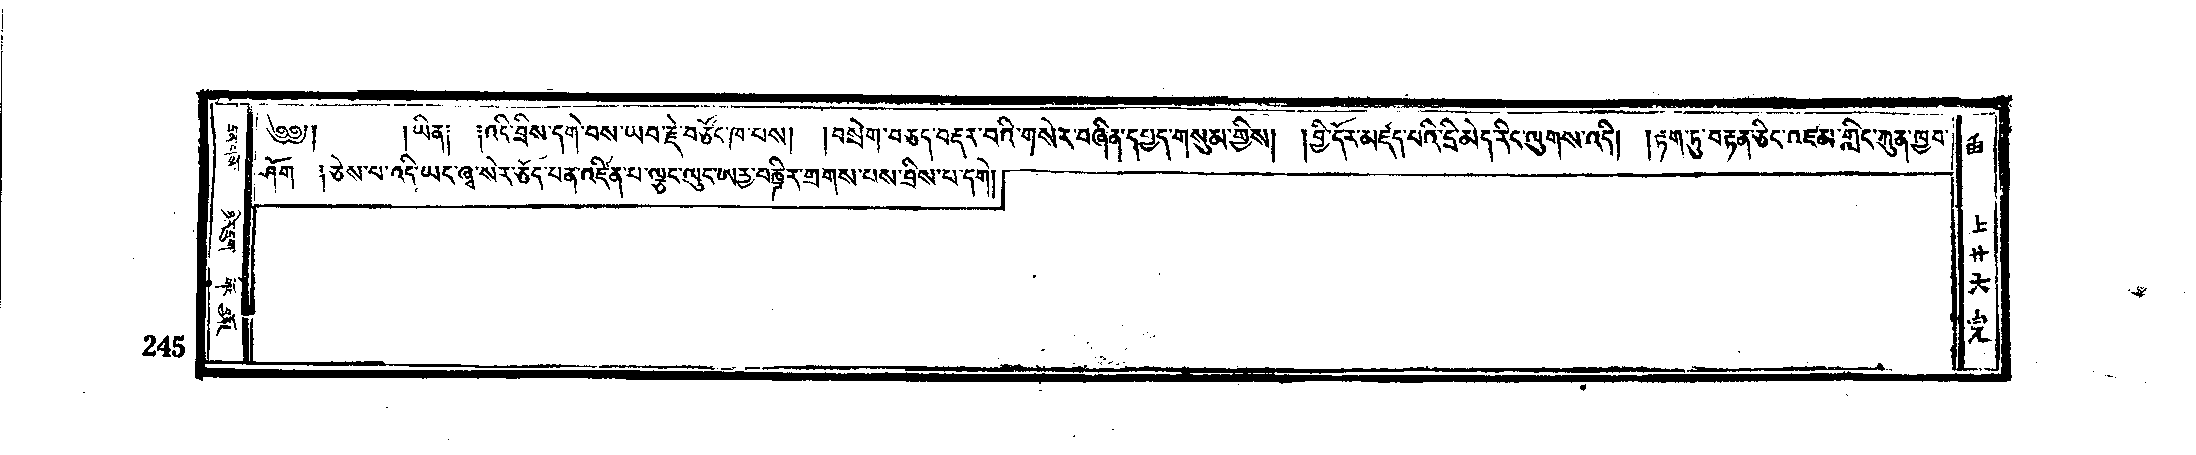༄༅། །ཡིན༑ ༑འདི་བྲིས་དགེ་བས་ཡབ་རྗེ་བཙོང་ཁ་པས། །བསྲེག་བཅད་བརྡར་བའི་གསེར་བཞིན་དཔྱད་གསུམ་གྱིས། །བྱི་དོར་མཛད་པའི་དྲི་མེད་རིང་ལུགས་འདི། །རྟག་ཏུ་བརྟན་ཅིང་འཛམ་གླིང་ཀུན་ཁྱབ་
ཤོག ༑ཅེས་པ་འདི་ཡང་ཞྭ་སེར་ཅོད་པན་འཛིན་པ་ལྕང་ལུང་ཨརྱ་པཎྜིར་གྲགས་པས་བྲིས་པ་དགེ།